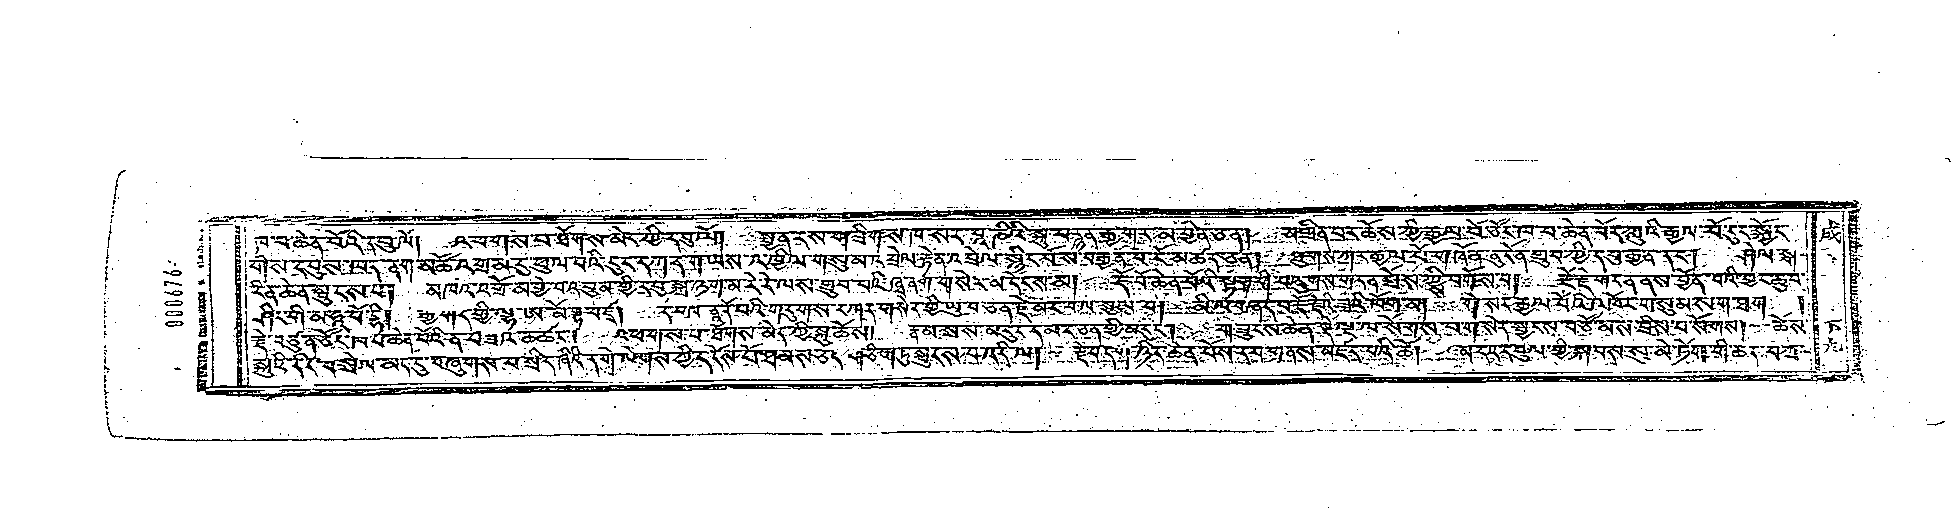ཁ་པ་ཆེན་པོའི་དབུ་ལོ། འཕགས་པ་ཐོགས་མེད་ཀྱི་དབུ་ལོ། སྤྱན་རས་གཟིགས་ཁ་སར་པཱ་ཎིའི་སྐུ་བརྙན་རྒྱ་གར་མ་བྱིན་ཅན། མགྲིན་པར་ཆོས་ཀྱི་རྒྱལ་པོ་ཙོང་ཁ་པ་ཆེན་པོར་ཀླུའི་རྒྱལ་པོ་དུང་སྐྱོང་
གིས་དབུས་ཁར་ནག་མཚོ་འགྲམ་དུ་ཕུལ་བའི་དུང་དཀར་གཡས་འཁྱིལ་གསུམ་འབྲེལ་རྟེན་འབྲེལ་སྙིང་པོས་བརྒྱན་པ་ངོ་མཚར་ཅན། ཐུགས་ཀར་རྒྱལ་པོ་གཞོན་ནུ་དོན་གྲུབ་ཀྱི་དབུ་རྒྱན་དང་། ཤེལ་སྒ་
རིན་ཆེན་སྦུངས་པ། མཁའ་འགྲོ་མ་བྱེ་བ་འབུམ་གྱི་དབུ་སྐྲ་ཉག་མ་རེ་རེ་ལས་གྲུབ་བའི་ཞྭ་ནག་གསེར་མདེངས་མ། ཇོ་བོ་ཆེན་པོའི་སྟག་གི་བཞུགས་གདན་སྤོས་ཀྱིས་བགོས་པ། རྡོ་རྗེ་གདན་ནས་བྱོན་པའི་བྱང་ཆུབ་
ཤིང་གི་མ་ཧཱ་བོ་དྷི། རྒྱ་གར་གྱི་ལྷ་ཨ་མོ་གྷ་བཛྲ། དབལ་ནཱ་རོ་པའི་གདུགས་དཀར་གསེར་གྱི་ཡུ་བ་ཅན་རྗེ་མར་བ་ལ་སྩལ་བ། མི་ལ་བཞད་པ་རྡོ་རྗེའི་ཟྭའི་ཁོག་མ། གེ་སར་རྒྱལ་པོའི་འཁོར་གསུམ་སག་ཐག །
རྗེ་བཙུན་ཙོང་ཁ་པ་ཆེན་པོའི་ན་བཟའ་ཆ་ཚང་། འཕགས་པ་ཐོགས་མེད་ཀྱི་སྐུ་ཆོས། རྣམ་སྲས་མདུང་དམར་ཅན་གྱི་མདུང་། གཟུངས་ཆེན་སྡེ་ལྔ་ལ་སོགས་པ་གསེར་སྤྱངས་བཙོ་མས་བྲིས་པ་སོགས། ཆོས་
སྐུའི་རིང་བསྲེལ་མང་དུ་བཞུགས་པ་སྲིད་ཞིའི་དགེ་ལེགས་ཀྱི་དངོས་པོ་ཐམས་ཅད་གཅིག་ཏུ་སྦུངས་པ་འདི་ལ། རྗེ་བདག་ཉིད་ཆེན་བོས་རབ་གནས་མཛད་པའི་ཚེ། མངའ་དབུལ་གྱི་སྐབས་སུ་མེ་ཏོག་གི་ཆད་བཀྲ་